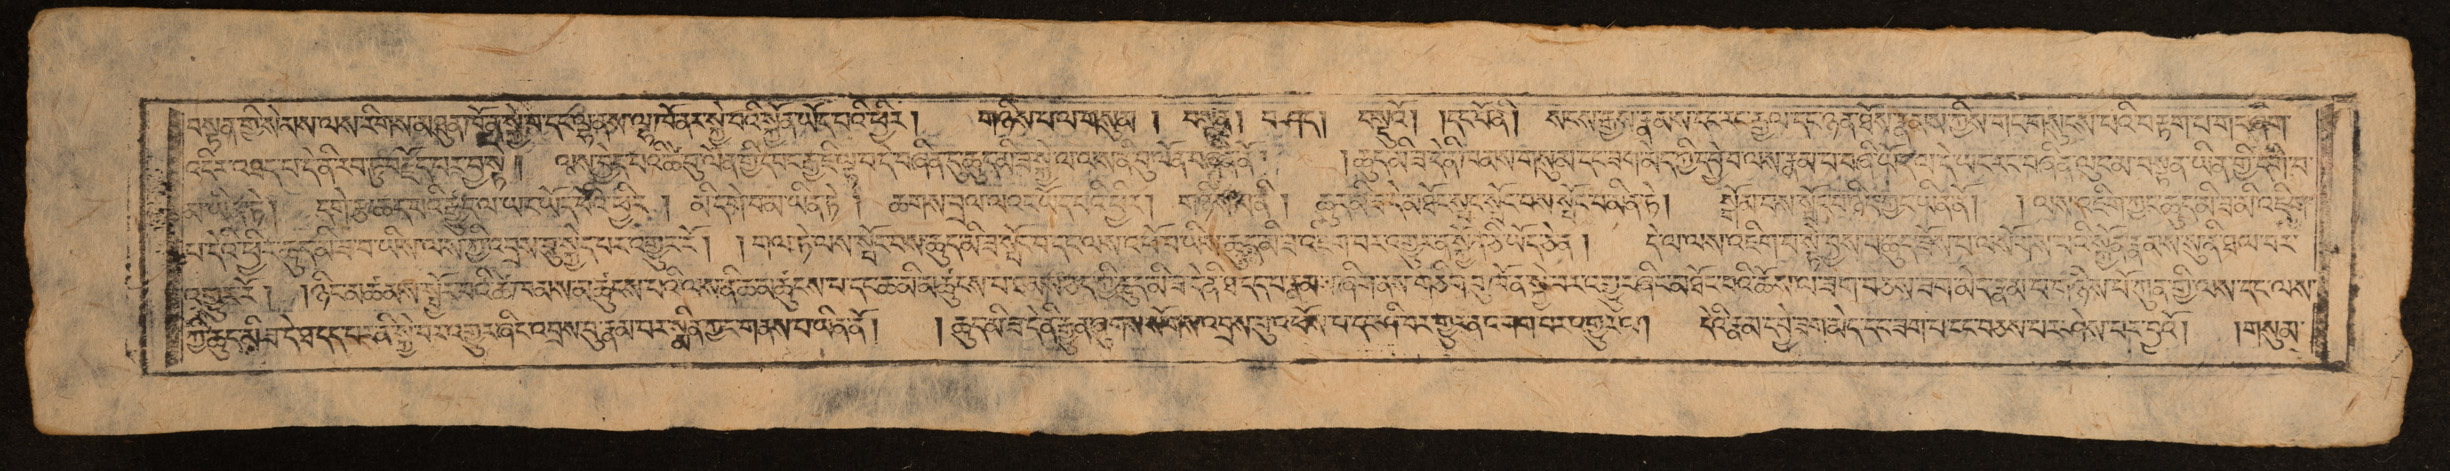བསྟན་གྱི་སེམས་ལས་རིགས་མཐུན་ཁོ་ན་སྐྱེ་བ་དང་ལྷ་ནས་ལྷ་ཁོ་ནར་སྐྱེ་བའི་སྐྱོན་ཡོད་པའི་ཕྱིར། གཉིས་པ་ལ་གསུམ། བསྟན། བཤད། བསྡུའོ། །དང་པོ་ནི། སངས་རྒྱས་རྣམས་དང་རང་རྒྱལ་དང་ཉན་ཐོས་རྣམས་ཀྱིས་གང་གསུངས་པའི་བརྟག་པ་གང་ཞིག་
འདིར་འཐད་པ་དེ་ནི་རབ་ཏུ་བརྗོད་པར་བྱ་སྟེ། ལས་བྱེད་པའི་ཚེ་བུ་ལོན་གྱི་དབང་རྒྱ་ཇི་ལྟ་བ་དེ་བཞིན་དུ་ཆུད་མི་ཟ་སྐྱེ་ལ་ལས་ནི་བུ་ལོན་བཞིན་ནོ། །ཆུད་མི་ཟ་དེ་ནི་ཁམས་གསུམ་དང་ཟག་མེད་ཀྱི་དབྱེ་བ་ལས་རྣམ་པ་བཞི་ཡོད་ལ་དེ་ཡང་རང་བཞིན་ལུང་མ་བསྟན་ཡིན་གྱི་དགེ་བ་
མ་ཡིན་ཏེ། དགེ་རྩ་ཆད་པའི་རྒྱུད་ལ་ཡང་ཡོད་པའི་ཕྱིར། མི་དགེ་བ་མ་ཡིན་ཏེ། ཆགས་བྲལ་ལའང་ཡོད་པའི་ཕྱིར། གཉིས་པ་ནི། ཆུད་མི་ཟ་དེ་མཐོང་སྤང་སྤོང་བས་སྤོང་བ་མིན་ཏེ། སྒོམ་པས་སྤོང་བ་ཉིད་ཀྱང་ཡིན་ནོ། །ལས་འཇིག་ཀྱང་ཆུད་མི་ཟ་མི་འཇིག་
པ་དེའི་ཕྱིར་ཆུད་མི་ཟ་བ་ཡིས་ལས་ཀྱི་འབྲས་བུ་སྐྱེད་པར་འགྱུར་རོ། །གལ་ཏེ་ལས་སྤོང་བས་ཆུང་མི་ཟ་སྤོང་བ་དང་ལས་འཕོ་བ་ཡིས་ཆུད་མི་ཟ་འཇིག་པར་འགྱུར་ན་སྐྱོན་ཅི་ཡོད་ཅེ་ན། དེ་ལ་ལས་འཇིག་པ་སྟེ་བྱས་པ་ཆུད་ཟོས་པ་ལ་སོགས་པའི་སྐྱོན་རྣམས་སུ་ནི་ཐལ་བར་
འགྱུར་རོ། །ཉིད་མཚམས་སྦྱོར་བའི་ཚེ་ཁམས་མཚུངས་པའི་ལས་ནི་ཆ་མཚུངས་པ་དང་ཆ་མི་མཚུངས་པ་ཐམས་ཅད་ཀྱི་ཆུད་མི་ཟ་དེ་ནི་ཐ་དད་པ་རྣམས་ཞིག་ནས་གཅིག་བུ་ཁོ་ན་སྐྱེ་བར་འགྱུར་ཞིང་མཐོང་བའི་ཆོས་ལ་ཟག་བཅས་ཟག་མེད་རྣམ་པ་གཉིས་པོ་ཀུན་གྱི་ལས་དང་ལས་
ཀྱི་ཆུད་མི་ཟ་དེ་ཐ་དད་པར་ནི་སྐྱེ་བར་འགྱུར་ཞིང་འབྲས་བུ་རྣམ་པར་སྨིན་ཀྱང་གནས་པ་ཡིན་ནོ། །ཆུད་མི་ཟ་དེ་ནི་རྒྱུན་ཞུགས་སོགས་འབྲས་བུ་འཕོས་པ་དང་ཤི་བར་གྱུར་ན་འགག་པར་འགྱུར་ལ། དེའི་རྣམ་དབྱེ་ཟག་མེད་དང་ཟག་པ་དང་བཅས་པར་ཤེས་པར་བྱའོ། །གསུམ་